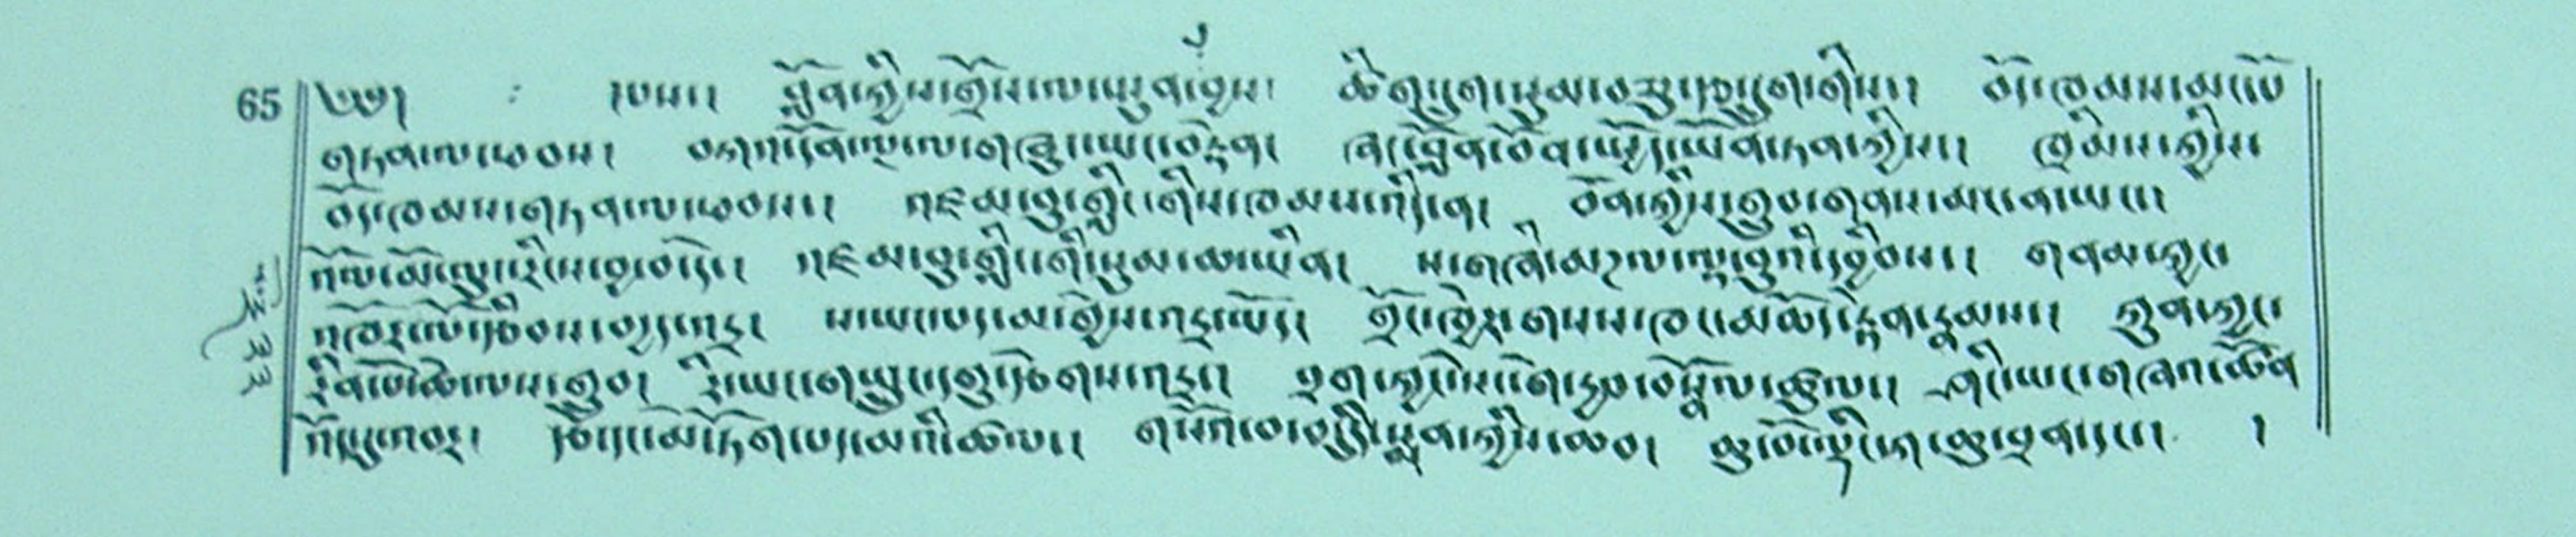༄༅། །པས། བློན་གྱི་གྲོས་ལ་སྤུན་དུ་བྱས། ཚིག་དྲུག་སུམ་བཅུ་རྩ་དྲུག་གིས། བོད་ཁམས་མང་པོ་
གཏན་ལ་ཕབས། བཀའ་དོན་ལྔ་ལ་གཞུང་ཡང་བརྟེན། ཞང་བློན་བོན་སྤྱོད་ཡོན་ཏན་གྱིས། ཁྲིམས་ཀྱི་
བོད་ཁམས་གཏན་ལ་ཕབས། འཛམ་བུའི་གླིང་གི་ཁམས་འདི་ན། བོན་གྱི་གྲུབ་གནས་མང་ན་ཡང་། 
འོལ་མོ་ལུང་རིང་བྱ་བ་དེ། འཛམ་བུའི་གླིང་གི་སུམ་ཆ་ཡིན། ས་གཞི་མཎྜལ་ལྟ་བུའི་དབྱིབས། གནམ་ཀྱང་
འཁོར་ལོ་རྩིབས་བརྒྱད་འདྲ། ས་ཡང་པད་མ་གྱེས་འདྲ་ཡོད། གྲོང་ཁྱེར་གསས་མཁར་མཆོད་རྟེན་རྣམས། ཀུན་ཀྱང་
རིན་པོ་ཆེ་ལས་གྲུབ། རི་ཡང་གཡུང་དྲུང་དགུ་བརྩེགས་འདྲ། བྲག་ཀྱང་སེང་གེ་རྒྱབ་བསྣོལ་ཚུལ། ཤིང་ཡང་གཞའ་ཚོན་
འོད་དུ་འབར། རྩྭ་ཡང་མེ་ཏོག་པད་མའི་ཚལ། གསོའ་བའི་བདུད་རྩི་སྨན་གྱིས་ཆབ། ཆུ་བོ་ལྡིང་ཀ་ཆུ་བྲན་དང་།